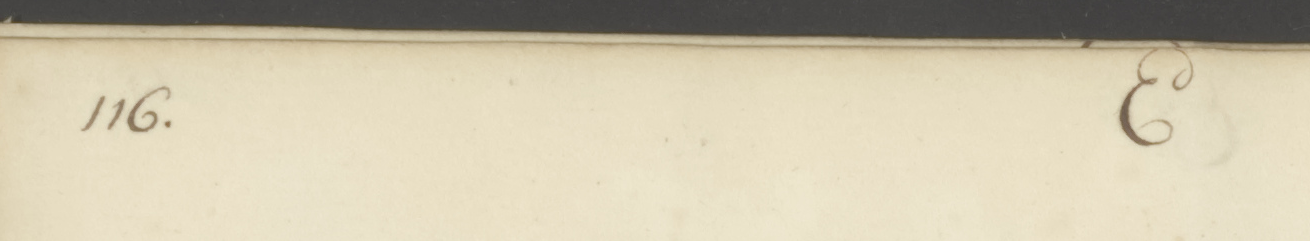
116
E
